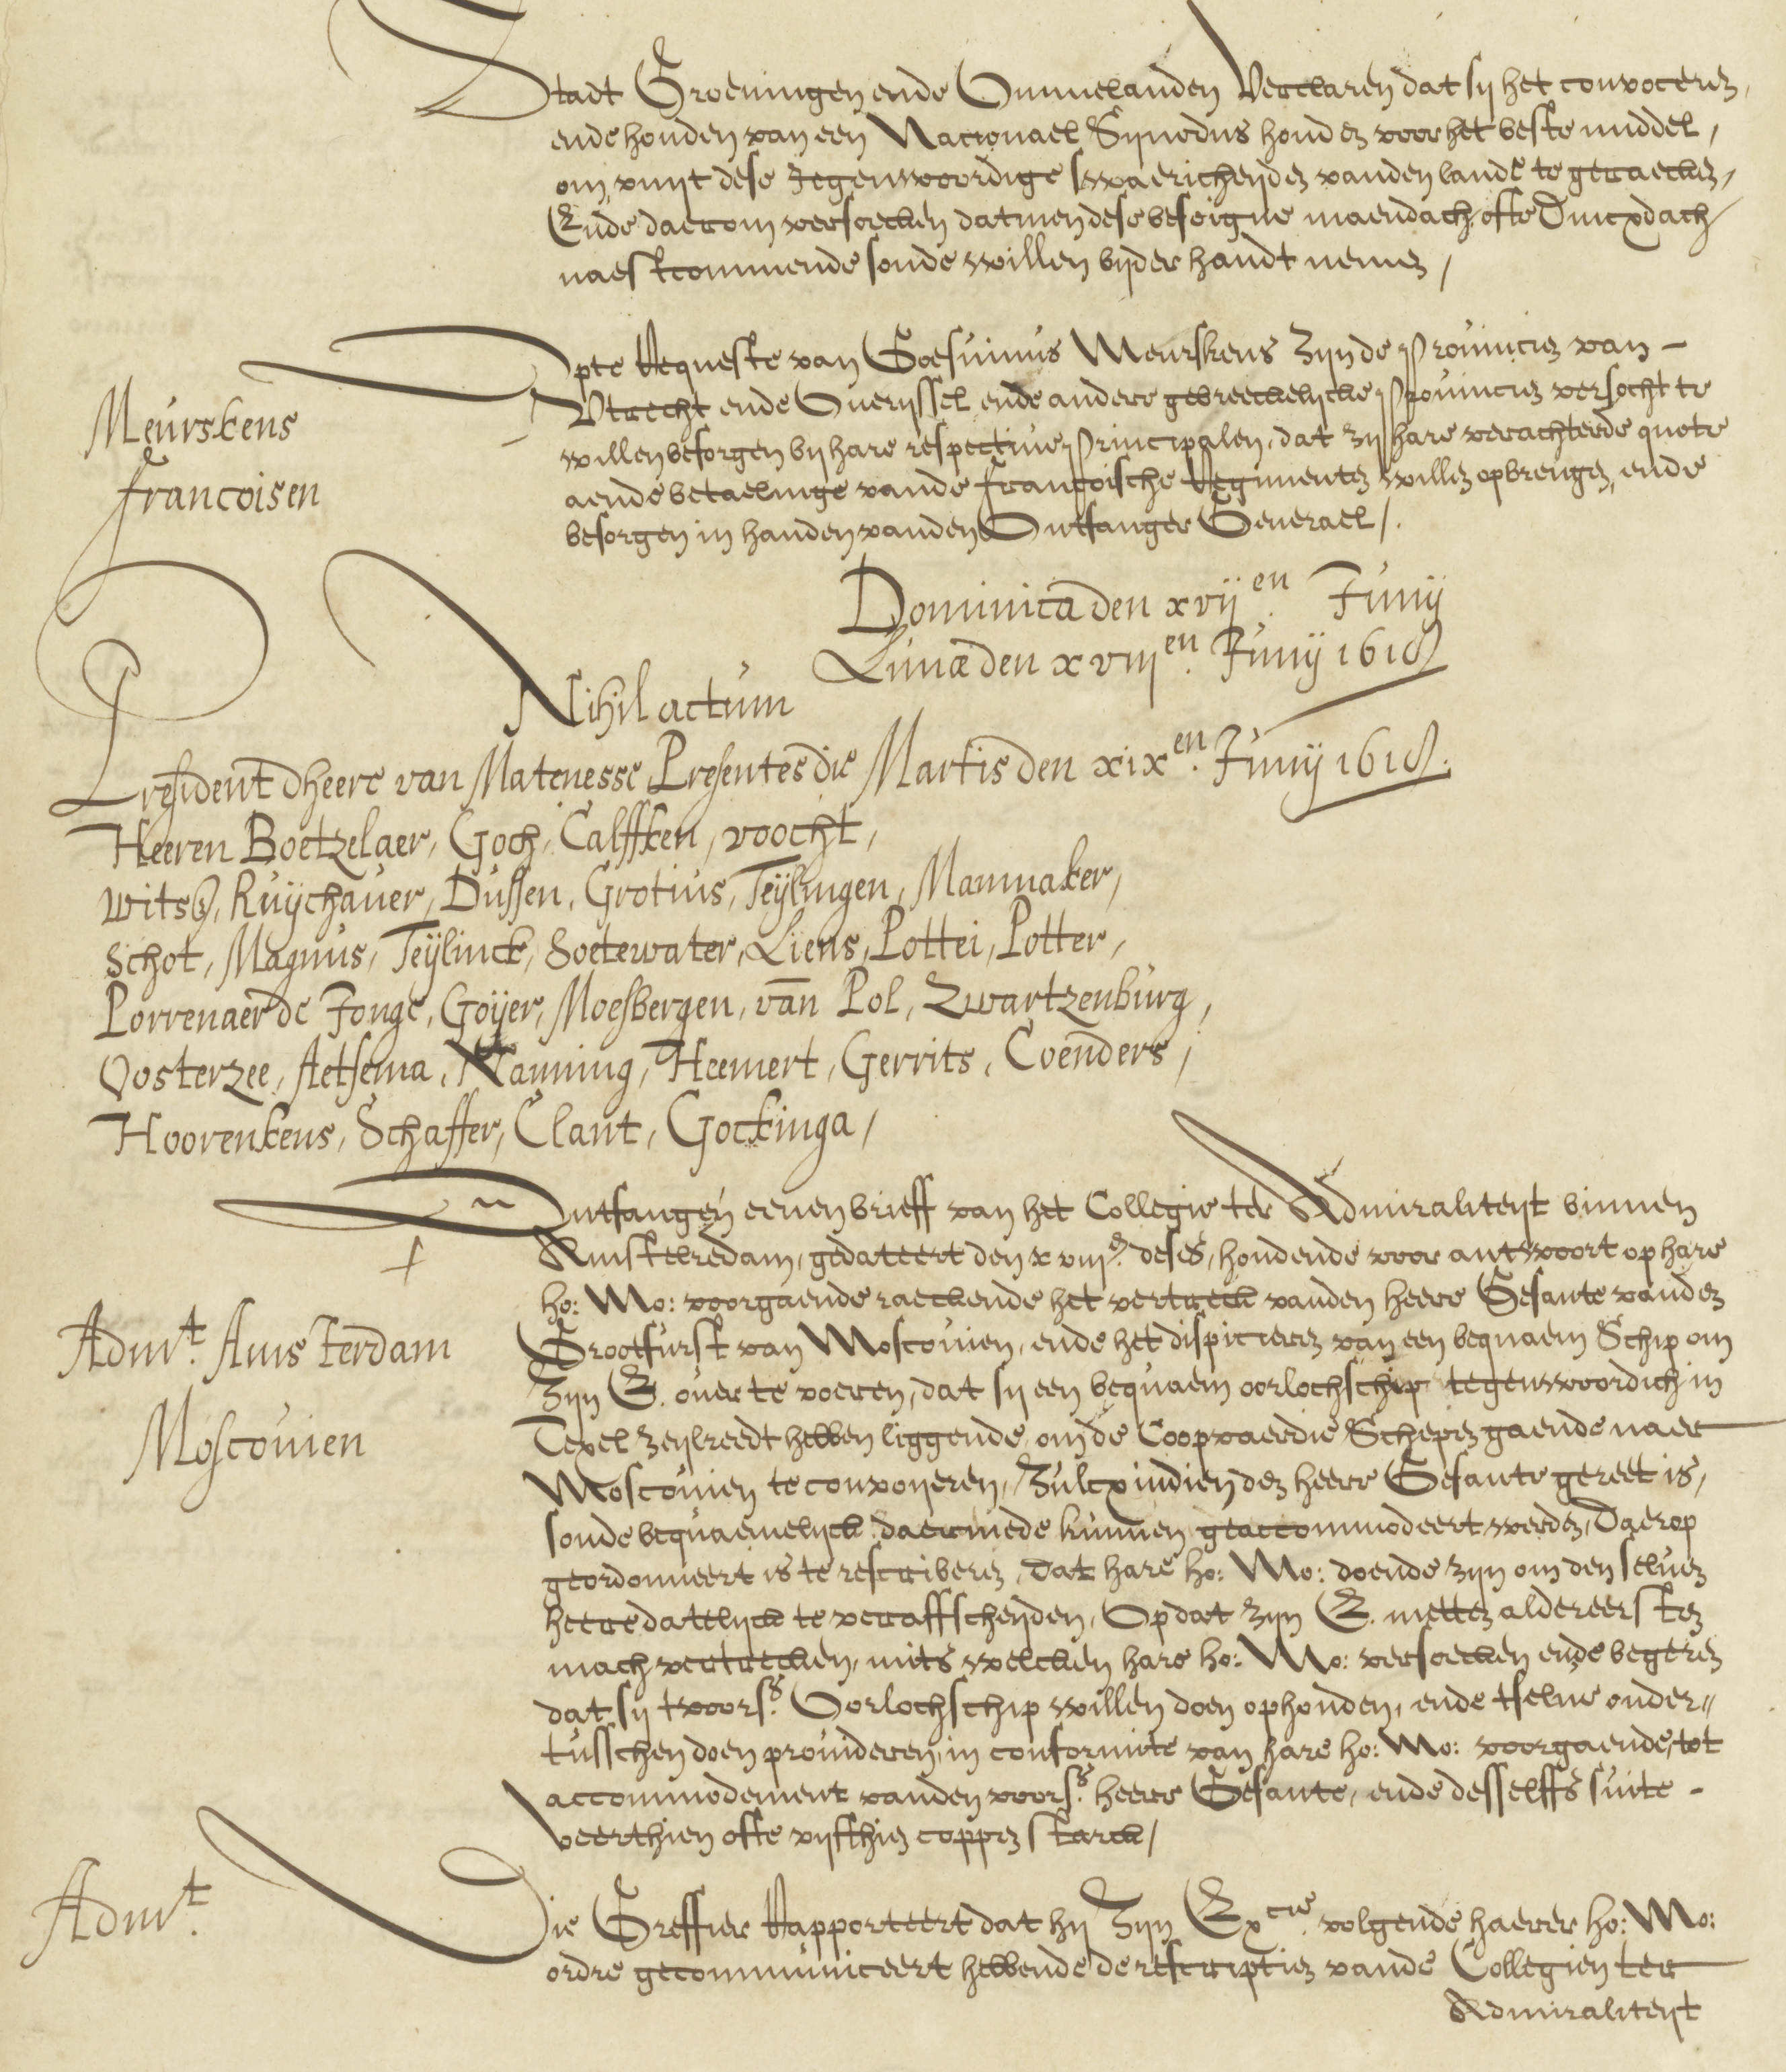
Stadt Groeningen ende Ommelanden Verclaren dat sy het convoceren,
ende houden van een Nacionael Synodus houden voor het beste middel,
om vuyt dese Jegenwoordige swaericheyden vanden lande te geraecken,
Ende daecom versoecken dat men dese besoigne maendach ofte Dincxdach
naestcommende soude willen byder handt nemen.
Meurskens
francoisen
Opte Requeste van Goesuinus Meurskens zyn de Prouincien van —
Utrecht ende Oueryssel ende andere gebreeckelycke Prouincien versocht te
willen besorgen by hare respectiue, Principalen, dat zy hare verachterde quote
aende betaelinge vande francoische Regimenten willen opbrengen ende
besorgen in handen vanden Ontfanger Generael.
Dominica den xvijen. Junij
Luna den xviijen. Junij 1618.
Martis den xixen. Junij 1618.
Nihil actum
President dheere van Matenesse Presentes die
Heeren Boetzelaer, Goch, Calffken, voocht,
Witsz, Huijchauer, Dussen, Grotius, Teijlingen, Manmaker,
Schot, Magnus, Teijlinck, Soetewater, Liens, Pottei, Potter,
Porrenaer de Jonge, Goijer, Moesbergen, van Pol, Zwartzenburg,
Oosterzee, Aetsema, Nanning, Heemert, Gerrits, Coenders,
Hoorenkens, Schaffer, Clant, Gockinga,
Admt. Amsterdam
Moscouien
Ontfangen eenen briefff van het Collegie ter Admiraliteyt binnen
Amstelredam, gedateert den xviijen. deses, houdende voor antwoort op hare
ho:Mo: voorgaende raeckende het vertreck vanden heere Gesante vanden
Grootfurst van Moscouien, ende het dispicieren van een bequaem Schip om
zyn E. ouer te voeren, dat sy een bequaem oorlochschip tegenwoordich in
Texel zeylreedt hebben liggende, om de Coopvaerdie Schepen gaende naer
Moscouien te convoyeren, zulcx indien den heere Gesante gereet is,
soude bequaemelyck, daermede kunnen geaccommodeert werden. Daerop
geordonneert is te rescriberen, dat hare ho:Mo: doende zyn om den seluen
heere datelyck te veraffscheyden, Opdat zyn E. metten aldereersten
mach vertrecken, mits welcken hare ho:Mo: versoecken ende begeren
dat sy tvoors. Oorlochschip willen doen ophouden, ende tselue onder„
tusschen doen prouideren in conformite van hare ho:Mo: voorgaende, tot
accommodement vanden voors. heere Gesante, ende desselffs suite -
veerthien ofte vyfthien coppen starck.
Admt.
Die Griffier Rapporteert dat hy zyn Excie. volgende haerer ho:Mo:
ordre gecommuniceert hebbende de rescriptien vande Collegien ter
Admiraliteyt
